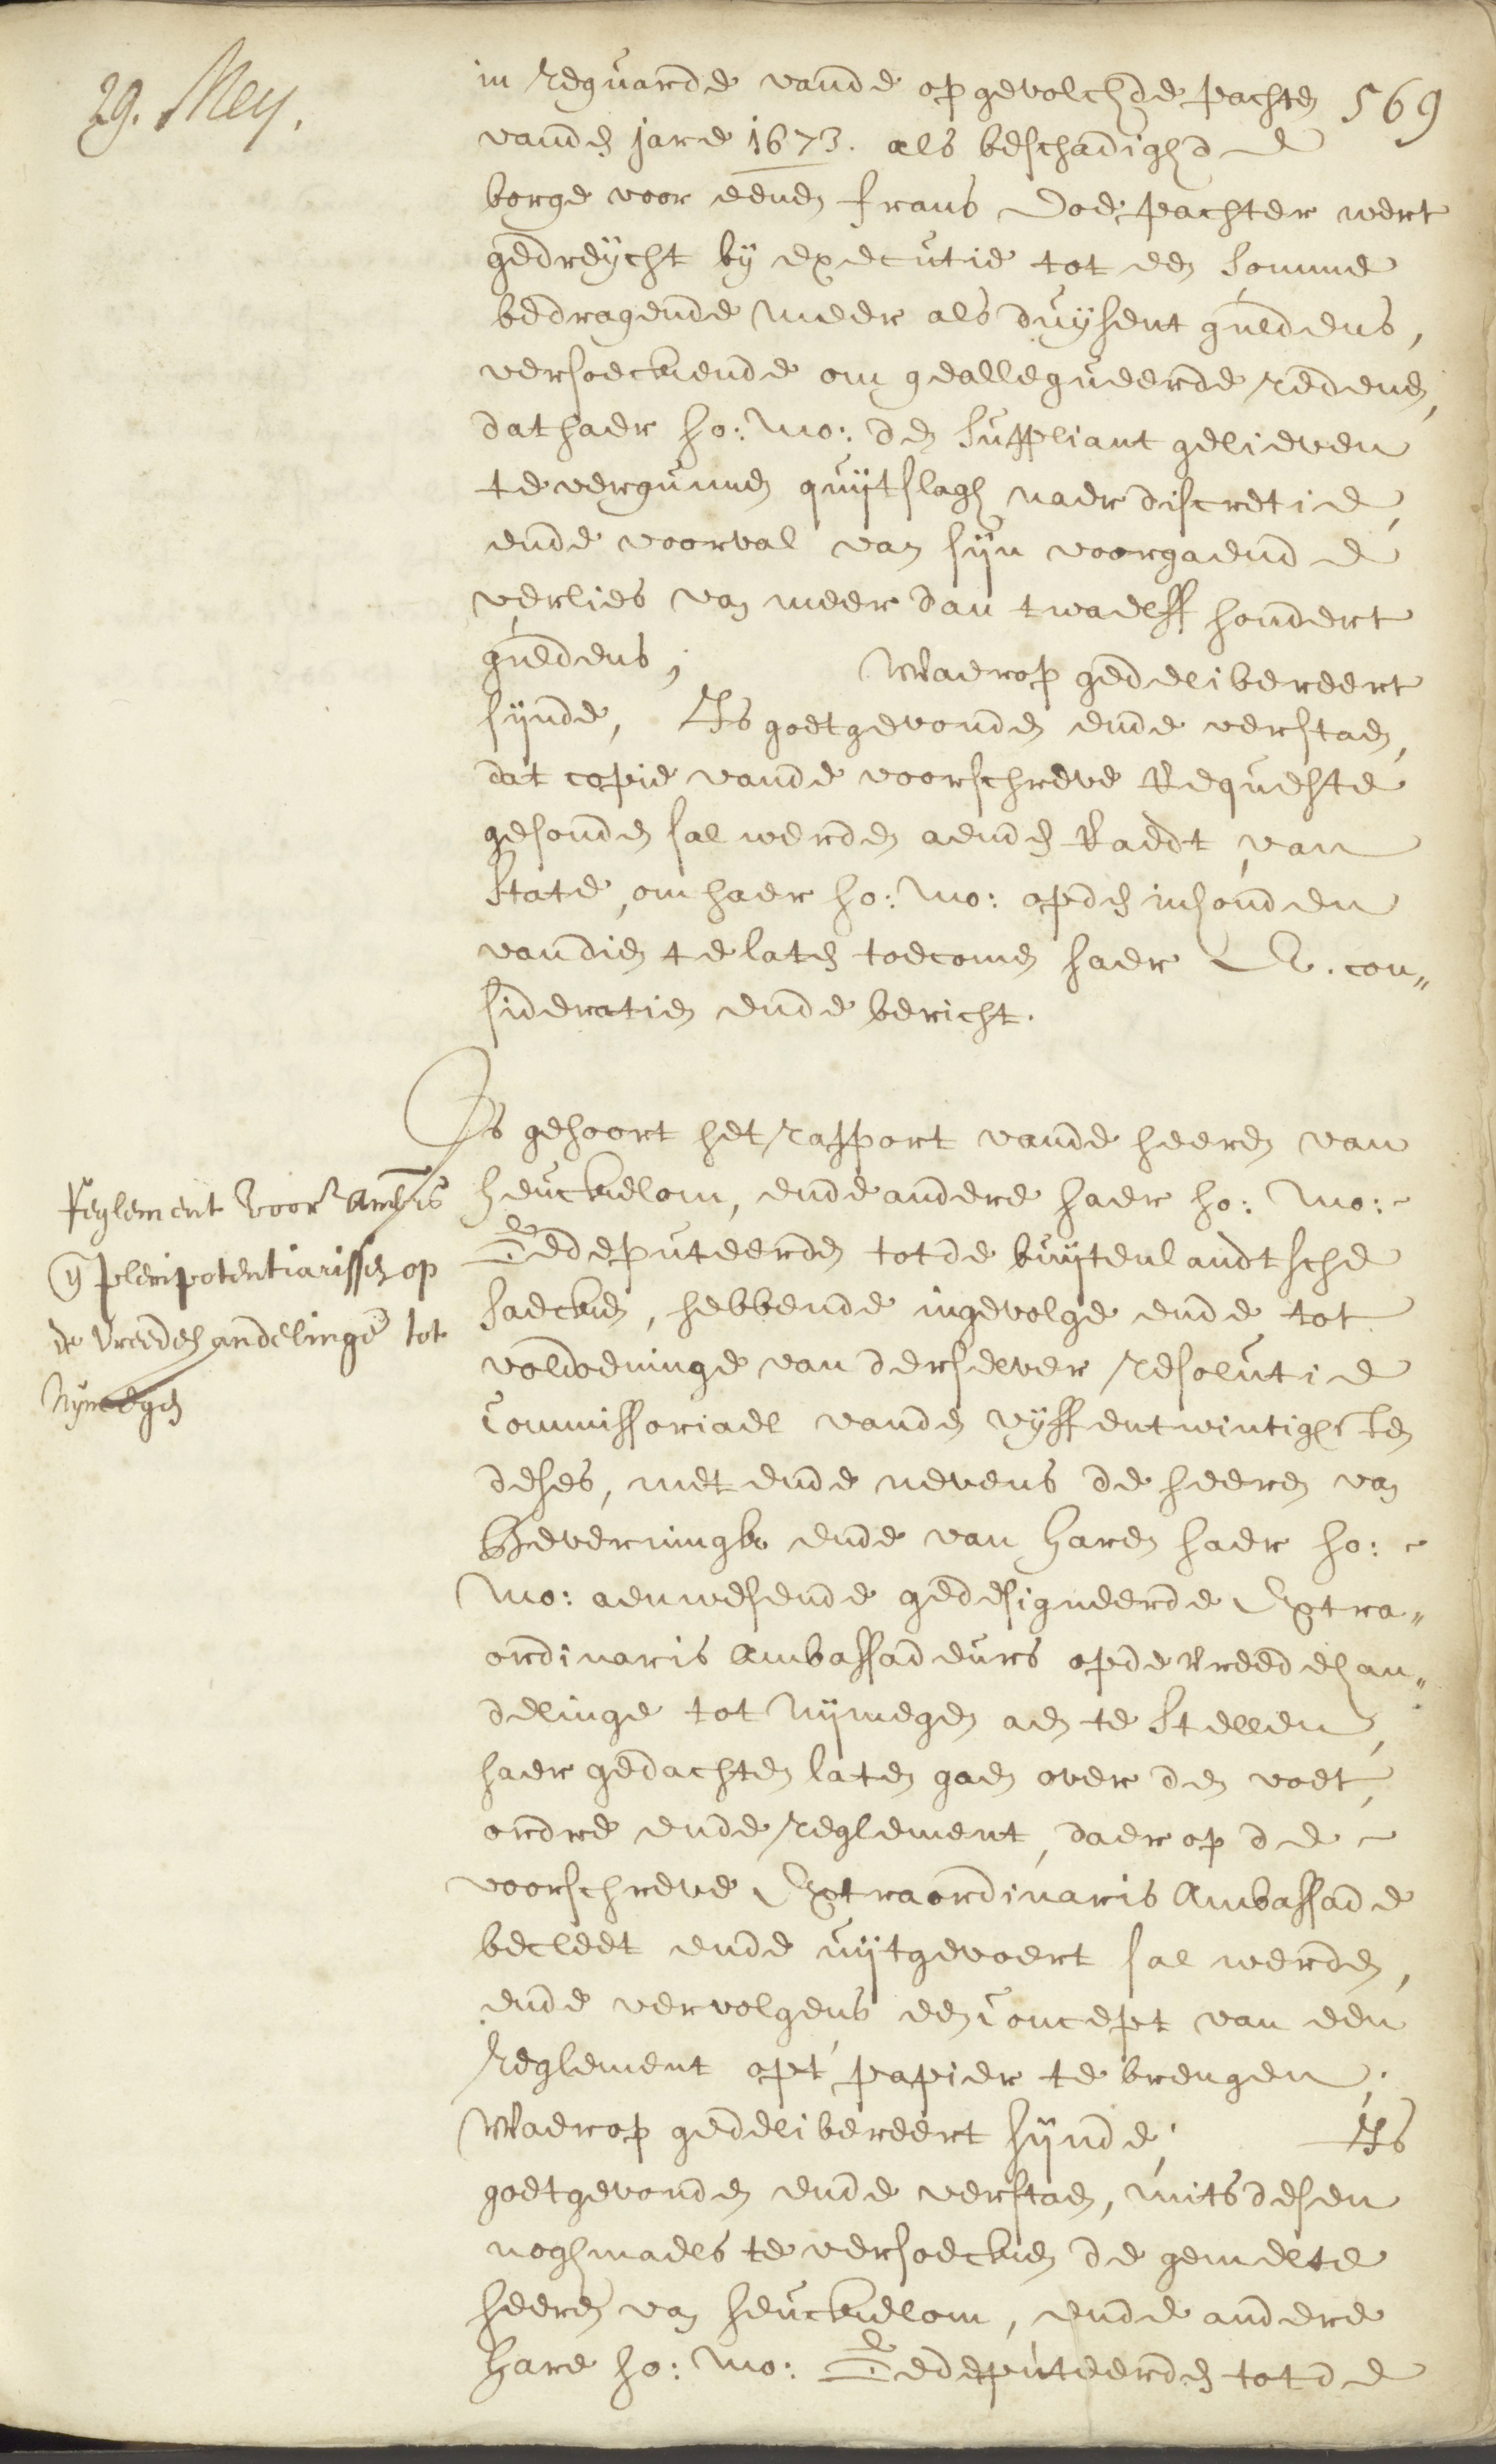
569
29. Mey.
in reguarde vande opgevolchde pachten
vanden jare 1673. als beschadighde
borge voor eenen frans Doe; pachter wert
gedreijcht bij executie tot een Somme
bedragende meer als duijsent guldens,
versoeckende om geallegueerde redenen,
dat haer ho:Mo: den Suppliant gelieven
te vergunnen quijtslagh naer discretie,
ende voorval van sijn voorgaende
verlies van meer dan twaelff hondert
guldens; Waerop gedelibereert
sijnde, Is goetgevonden ende verstaen,
dat copie vande voorschreve Requeste
gesonden sal werden aenden Raedt van
State, om haer ho:Mo: opden inhouden
vandien te laten toecomen haer E. con„
sideratien ende bericht.
Reglement voor Ambrs
& plenipotentiarissen op
de Vreedehandelinge tot
Nijmegen
Is gehoort het rapport vande heeren van
heuckelom, ende andere haer ho:Mo:
Gedeputeerden tot de buijtenlandtsche
Saecken, hebbende ingevolge ende tot
voldoeninge van derselver resolutie
Commissoriael vanden vijffentwintighsten
deses, met ende nevens de heeren van
Beverningk ende van Haren haer ho:
Mo: aenwesende gedesigneerde Extra„
ordinaris Ambassadeurs opde Vreedehan„
delinge tot Nijmegen aen te stellen,
haer gedachten laten gaen over den voet,
ordre ende reglement, daer op de
voorschreve Extraordinaris Ambassade
becleet ende uijtgevoert sal werden,
ende vervolgens een Concept van een
reglement opt‛ papier te brengen;
Waerop gedelibereert sijnde: Is
goetgevonden ende verstaen, mitsdesen
noghmaels te versoecken de gemelte
heeren van heuckelom, ende andere
hare ho:Mo: Gedeputeerden tot de
